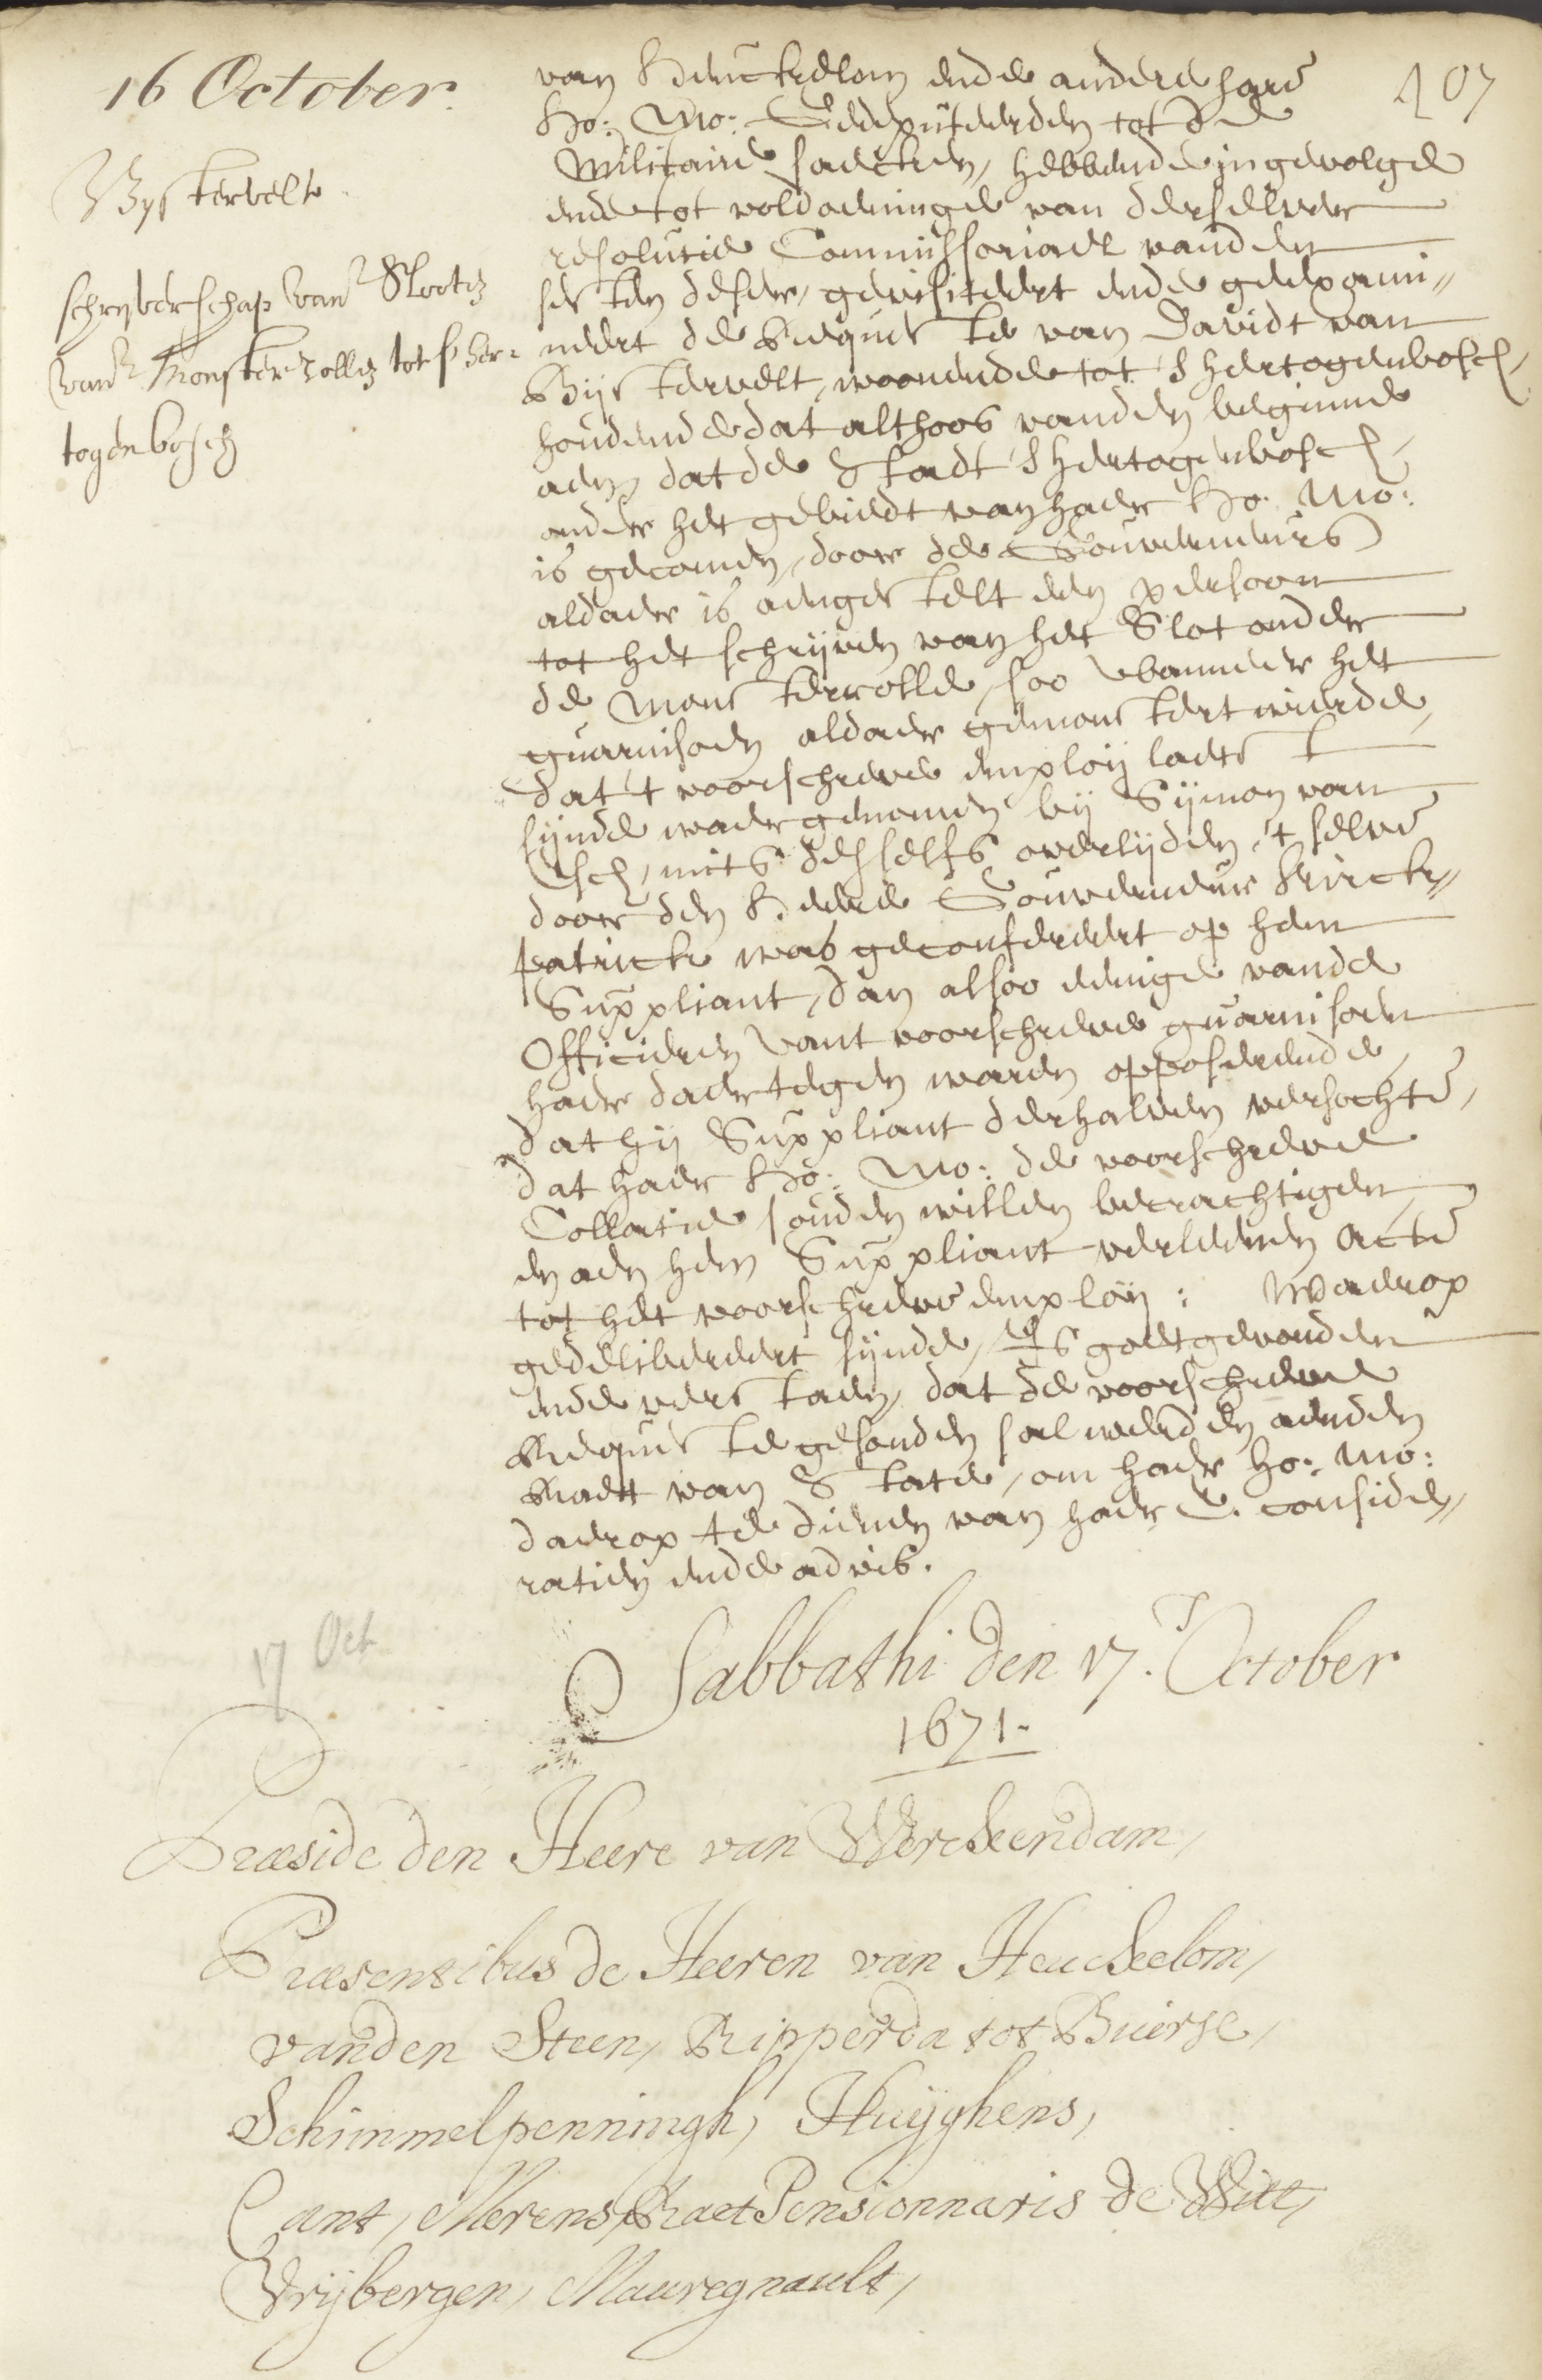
407
16 October.
Bijstervelt,
schryverschap van Slooten
van monsterrollen tot s' Her,,
togenbosch
van Heuckelom ende andere hare
Ho:Mo: Gedeputeerden tot de
militaire saecken, hebbende ingevolge
ende tot voldaeninge van derselver
resolutie Commissoriael vanden
sesten deser, gevisiteert ende geexami,,
neert de requeste van Davidt van
Bijstervelt, woonende tot 's Hertogenbosch
houdende dat althoos vanden beginne
aen, dat de Stadt 's Hertogenbosch,
onder het gebiedt van haer Ho:Mo:
is gecomen, door de Gouverneurs
aldaer is aengestelt een persoon
tot het schrijven van het Slot onder
de monsterrollen, soo wanneer het
guarnisoen aldaer gemonstert wierde
dat ‛t voorschreve emploij laets
sijnde waergenomen bij Sijmon van
Esch, mits desselfs overlijden, 't selve
door den Heere Gouverneur Kirck,,
patrick was geconfereert op hem
Suppliant, dan alsoo eenige vande
Officieren vant voorschreve guarnisoen
haer daertegen waren opposerende
dat hij Suppliant derhalven versochte,
dat haer Ho:Mo: de voorschreve
Collatie souden willen becrachtigen
en aen hem Suppliant verleenen acte
tot het voorschreve emploij: Waerop
gedelibereert sijnde, Is goetgevonden
ende verstaen, dat de voorschreve
Requeste gesonden sal werden aenden
Raet van State, om haer Ho:Mo:
daerop te dienen van haer E. conside„
ratien ende advis.
17 Oct
Sabbathi den 17e. October
1671.
Præside den Heere van Werkendam
Præsensibus de Heeren van Heuckelom,
vanden Steen, Ripperda tot Buirse,
Schimmelpenningh, Huijghens,
Cant, Merens, Raet Pensionnaris de Witt,
Vrijbergen, Mauregnault
